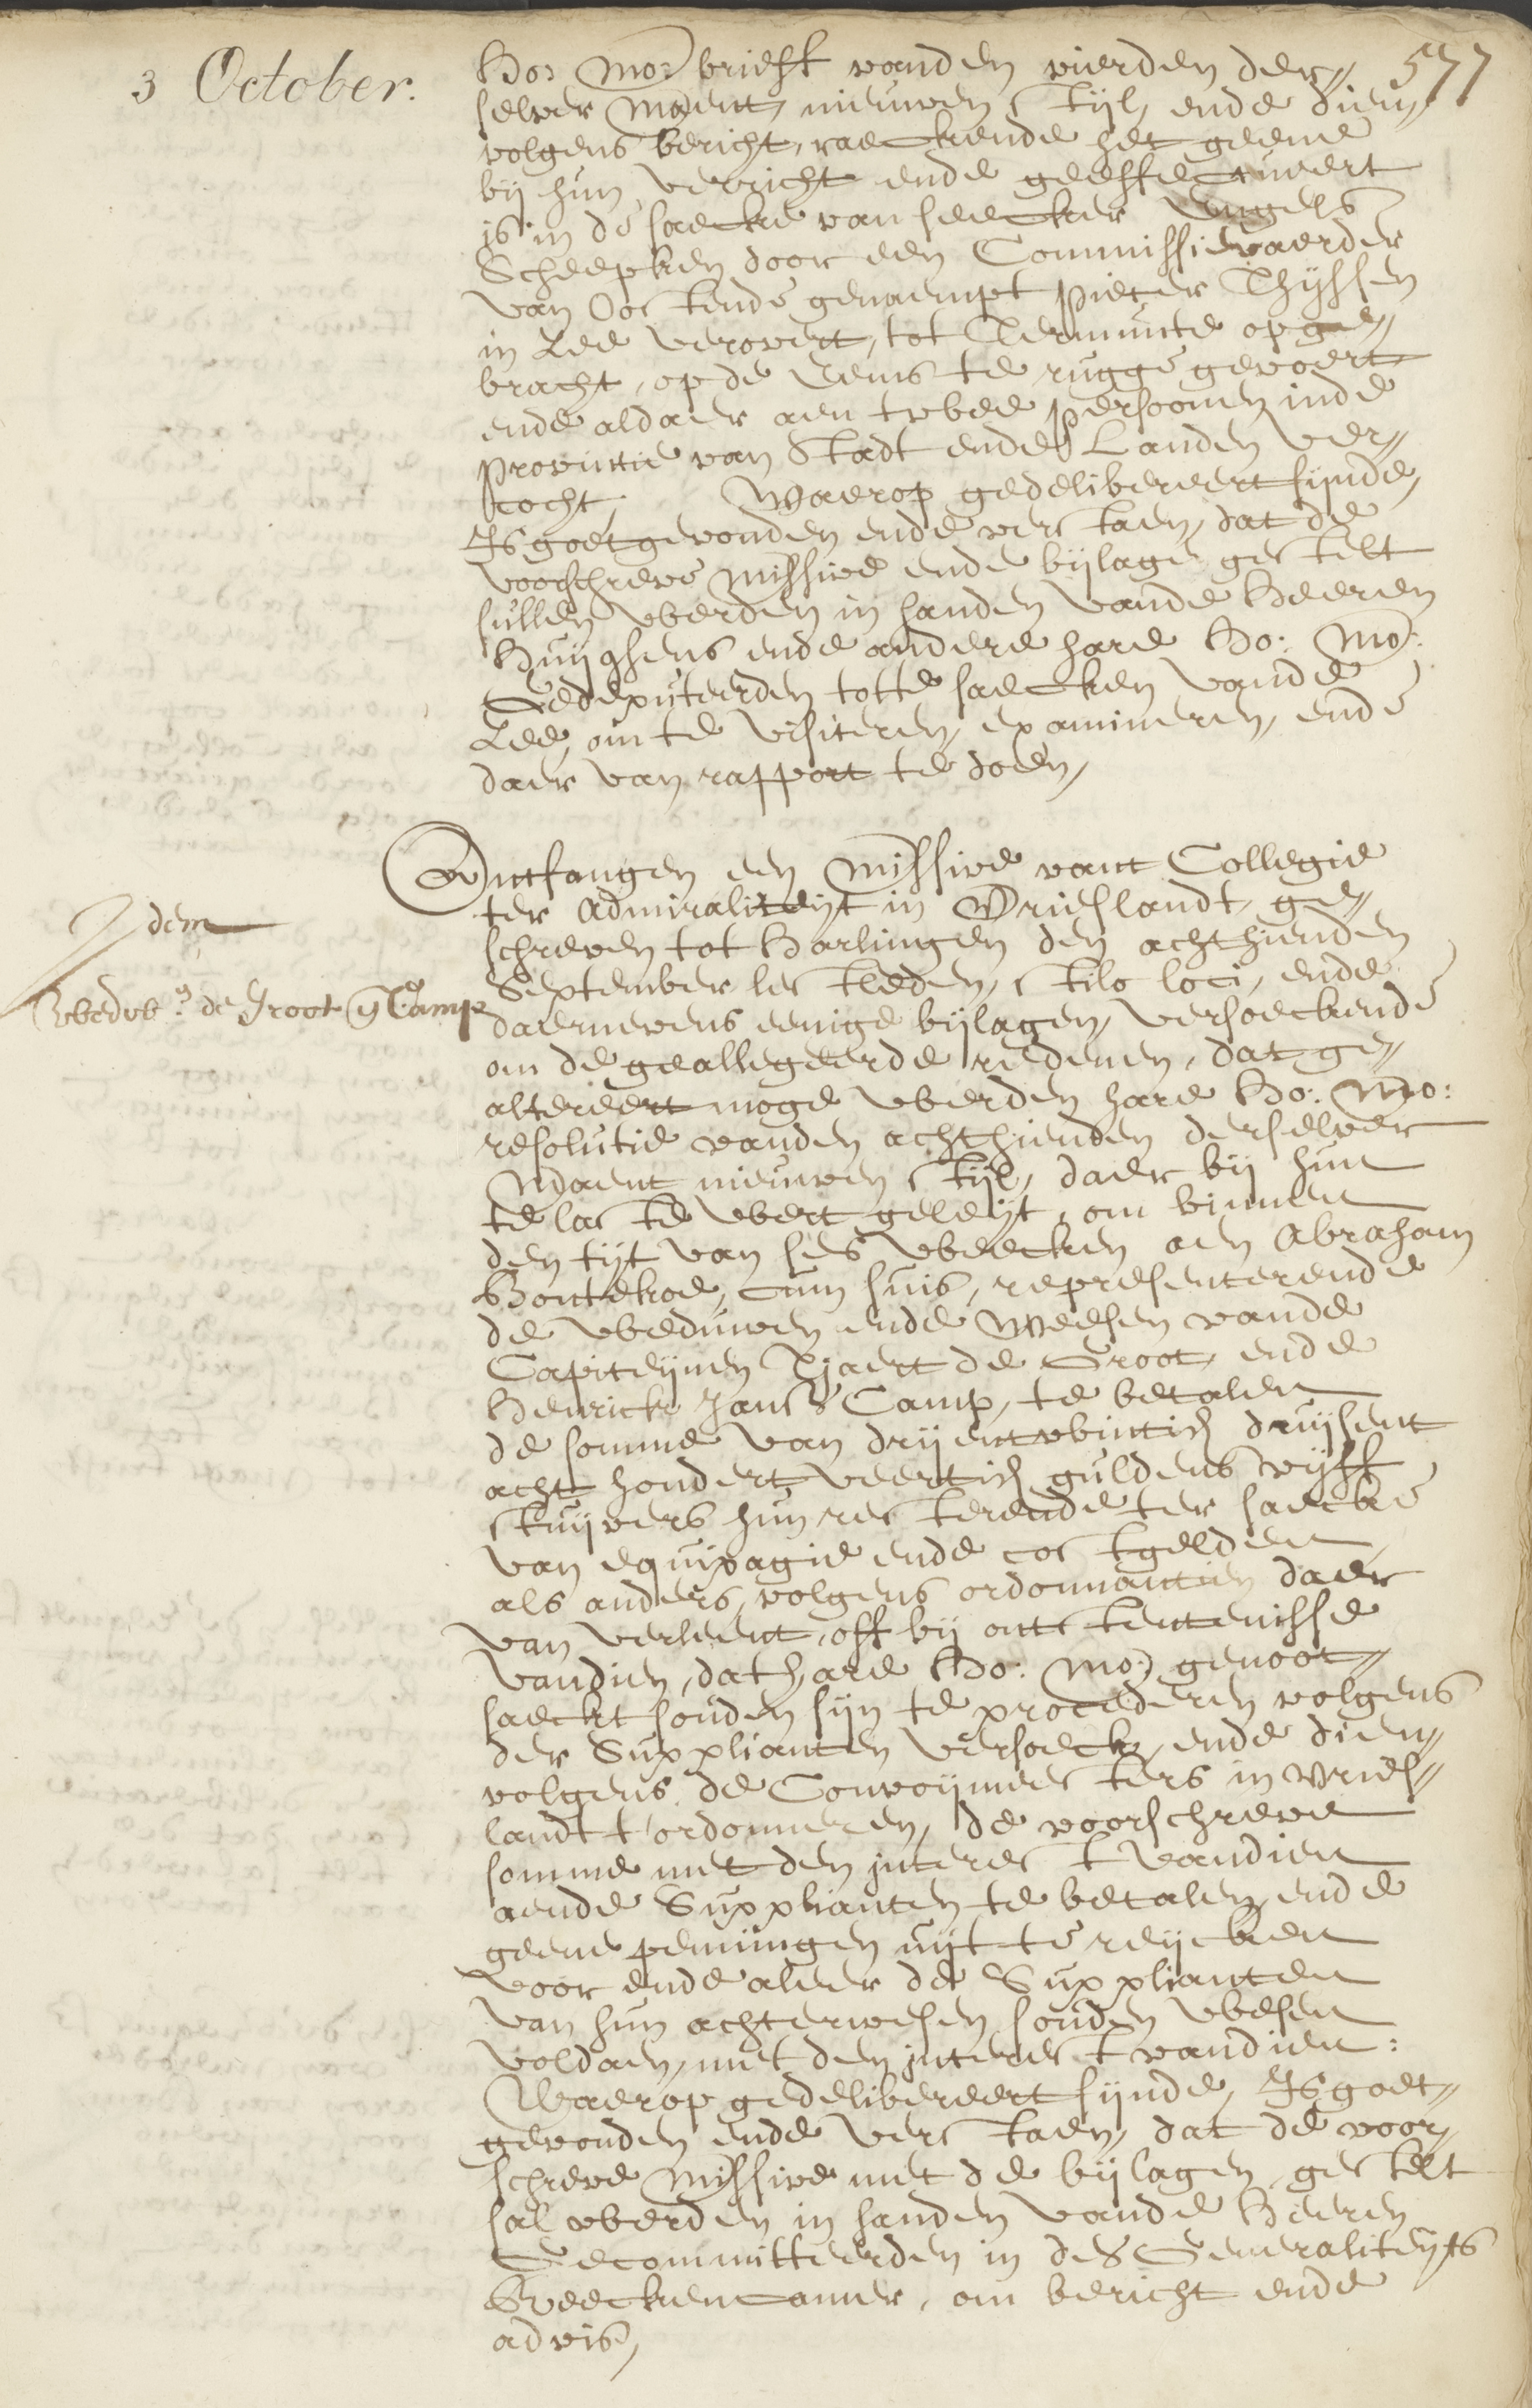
577
3 October.
Ho:Mo: brieff vanden vierden der,,
selver maent, nieuwen stijl, ende dien„
volgens bericht, raeckende het geene
bij hun verricht ende geeffectueert
is in de saecke van seecker Engels
Scheepken door een Commissievaerder
van Oostende genaempt Pieter Thijssen
in Zee verovert, tot Termunte opge„
bracht, op de Eems te rugge gevoert
ende aldaer aen twee persoonen inde
provintie van Stadt ende Landen ver
cocht. Waerop gedelibereert sijnde,
is goetgevonden ende verstaen, dat de
voorschreve missive ende bijlage, gestelt
sullen werden in landen vande Heeren
Huijghens ende andere hare Ho:Mo:
Gedeputeerden totte saecken vande
Zee om te visiteren, examineren, ende
daer van rapport te doen.
Idem
Wedwen. de Groot & Campen
Ontfangen een missive vant Collegie
ter Admiraliteijt in Vrieslandt, ge,,
schreven tot Harlingen den achthienden
September lestleden, stilo loci, ende
daernevens eenige bijlagen, versoeckende
om de geallegeerde redenen, dat ge,,
altereert moge werden hare ho:Mo:
resolutie vanden achthienden derselver
maent nieuwen stijl, daer bij hun
te laste wert geleijt, om binnen
den tijt van ses weecken aen Abraham
Bontekoe, cum sius, representerende
de weduwen ende Weesen vande
Capiteijnen Tjaert de Groot, ende
Henrick Jans Camp, te betalen
de somme van drijentwintich druijsent
acht hondert veertich guldens vijf
stuijvers hun resterende ter saecken
van equipagie ende costgelden
als anders volgens ordonnantien daer
van verleent, oft bij ontstentenisse
vandien, dat hare ho:Mo: genoot,,
saeckt souden sijn te procederen volgens
der Supplianten versoeck, ende dien„
volgens de Convoijmeesters in Vries„
landt t'ordonneren, de voorschreve
somme met den interest vandien
aende Supplianten te betalen, ende
geene penningen uijt te reijcken
voor ende aleer de supplianten
van hun achterwesen souden wesen
voldaen, met den interest vandien:
Waerop gedelibereert sijnde, is goet„
gevonden ende verstaen, dat de voor„
schreve missive met de bijlagen, gestelt
sal werden in handen vande heeren
Gecommitteerden in des Generaliteijts
Reeckencamer, om bericht ende
advis.
